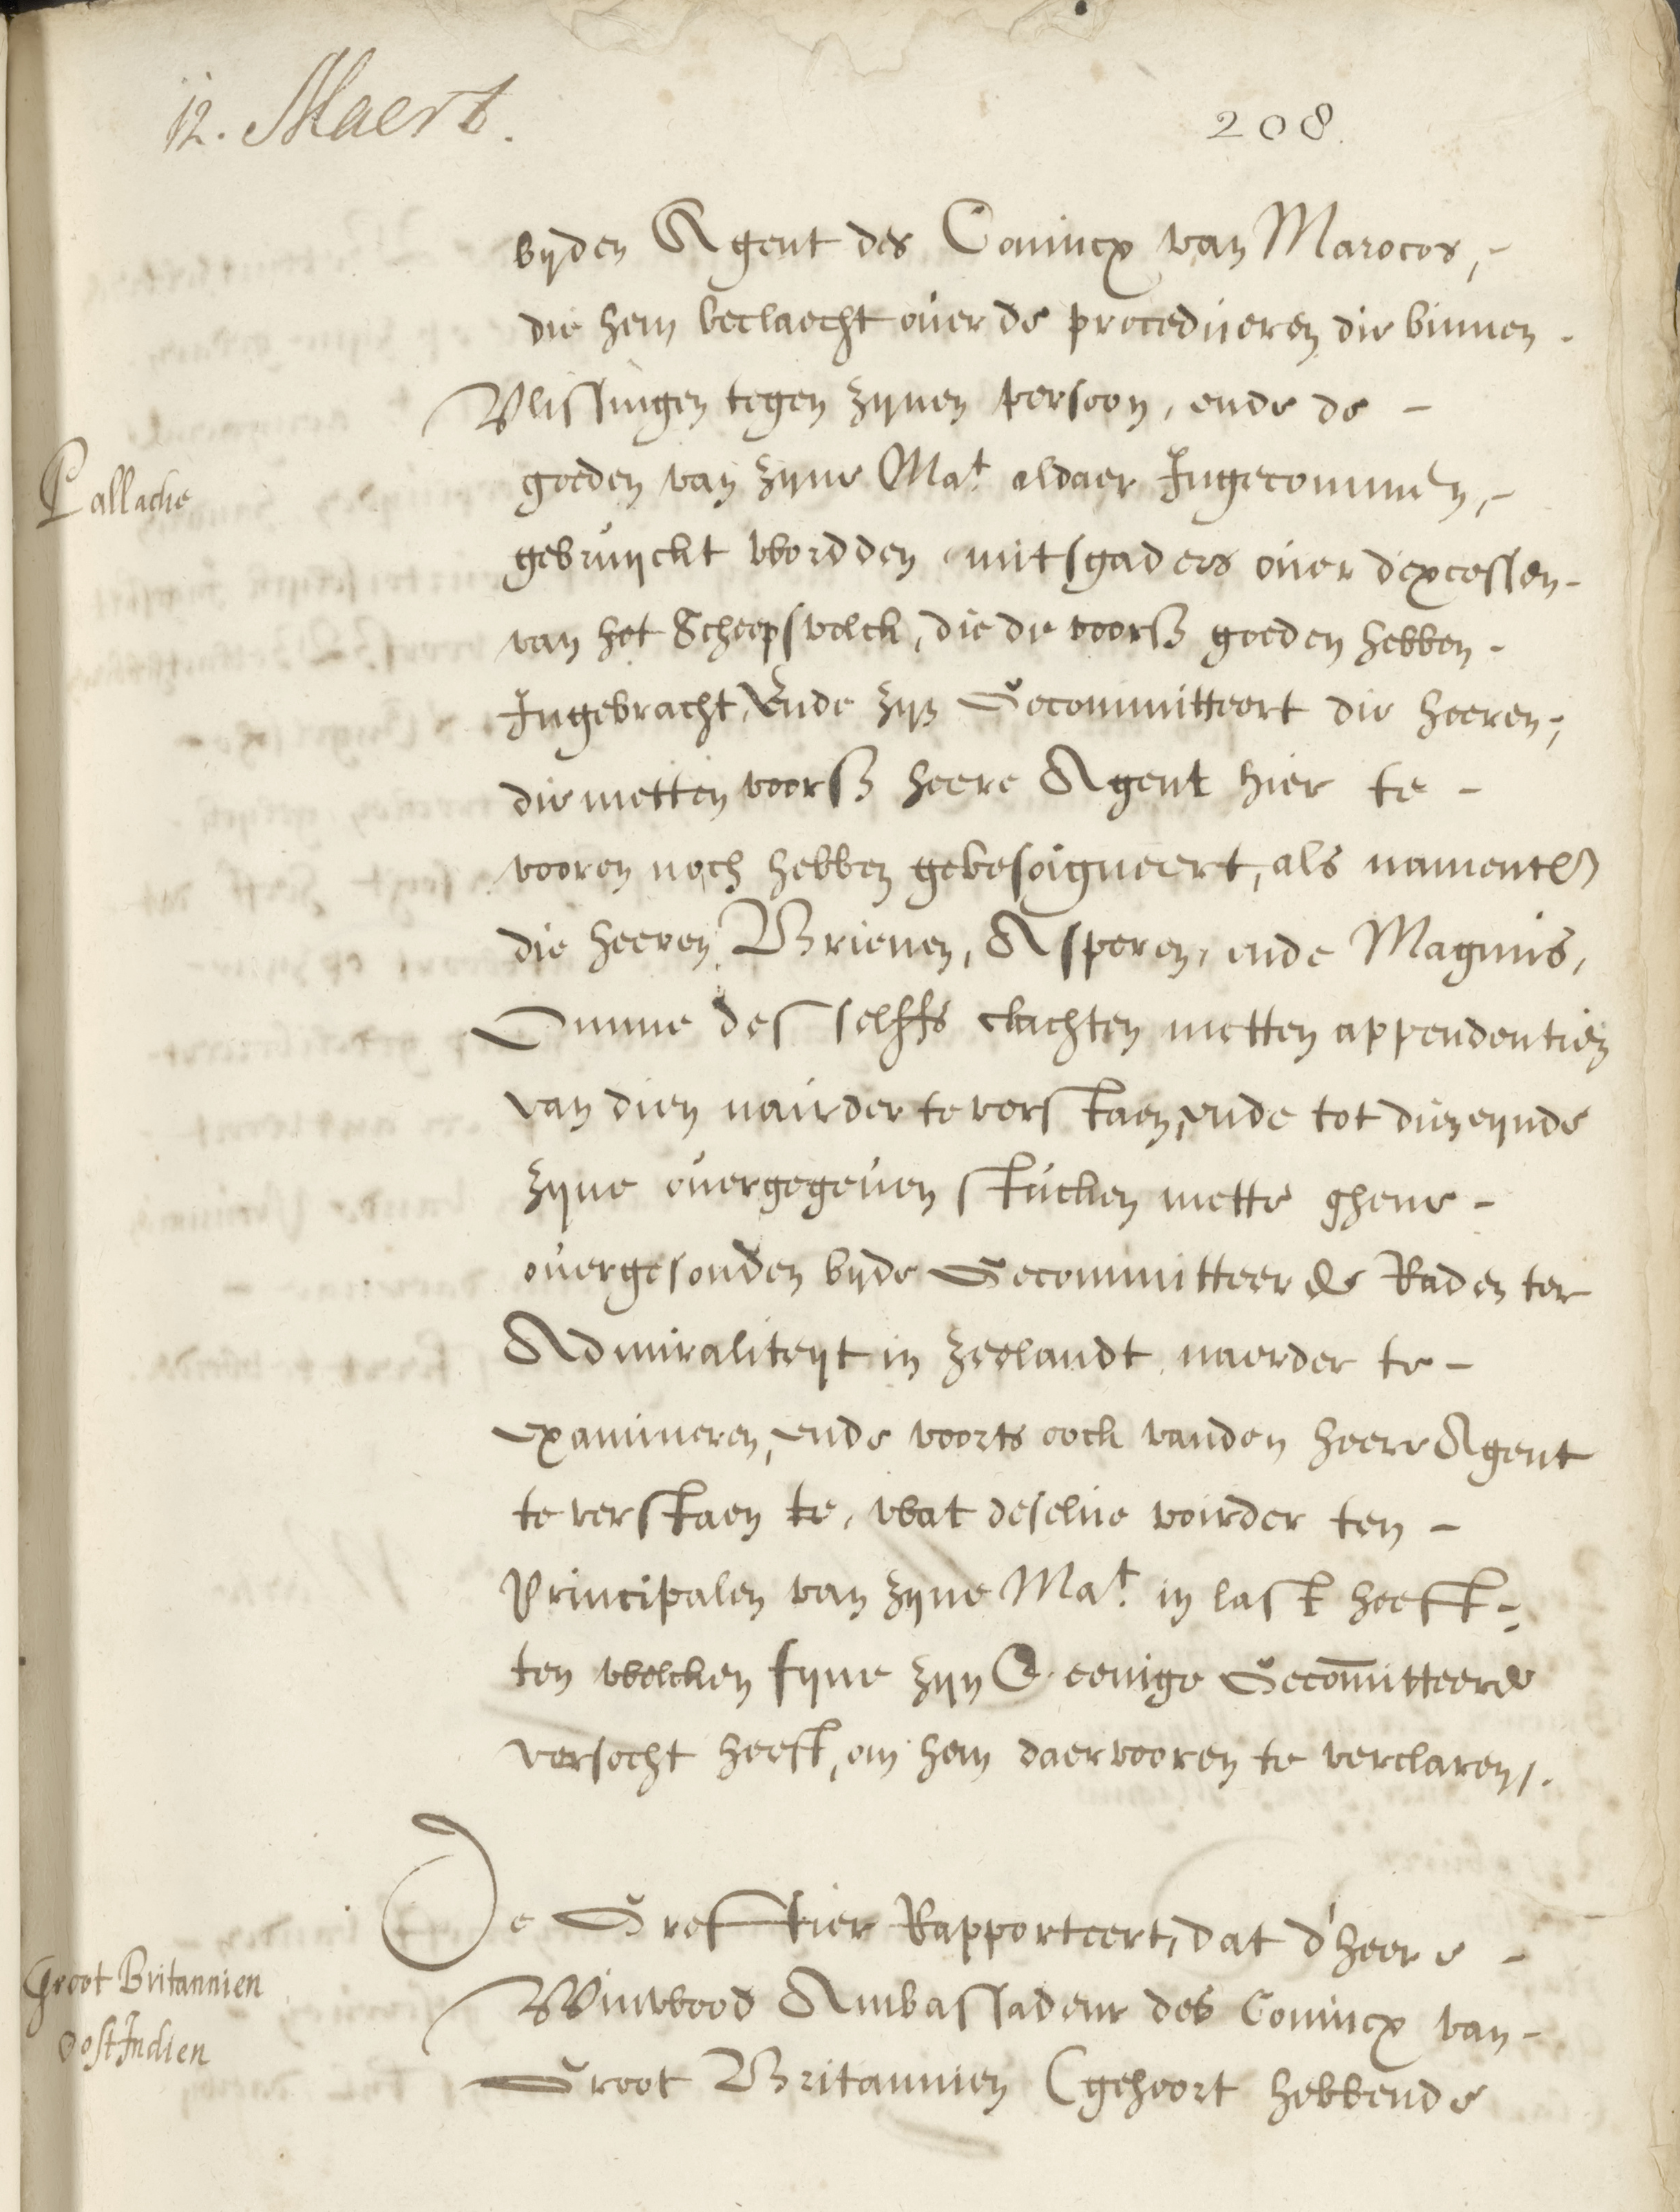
208.
12. Maert.
Pallache
byden Agent des Conincx van Marocos,
die hem beclaecht ouer de procedueren die binnen
Vlissingen tegen zynen persoon, ende de
goeden van zyne Mat. aldaer Ingecommen,
gebruyckt wordden, mitsgaders ouer d'excessen
van het Scheepsvolck, die de voors goeden hebben
Ingebracht. Ende zyn Gecommitteert die heeren,
die metten voors heere Agent hier te
vooren noch hebben gebesoigneert, als namentl
die heeren Brienen, Asperen, ende Magnus,
Omme desselffs clachten metten appendentien
van dien nairder te verstaen, ende tot dien eynde
zyne ouergegeuen stucken mette ghene
ouergesonden byde Gecommitteerde Raden ter
Admiraliteyt in zeelandt, naerder te
examineren, ende voorts oock vanden heere Agent
te verstaen te, wat deselue voirder ten -
Principalen van zyne Mat. in last heeft:
ten welcken fyne zyn E. eenige Gecomitteerde
versocht heeft, om hem daervooren te verclaren.
Groot Bitannien
OostIndien
De Greffier Rapporteert, dat d'heere -
Winwood Ambassadeur des Conincx van -
Groot Britannien (gehoort hebbende
